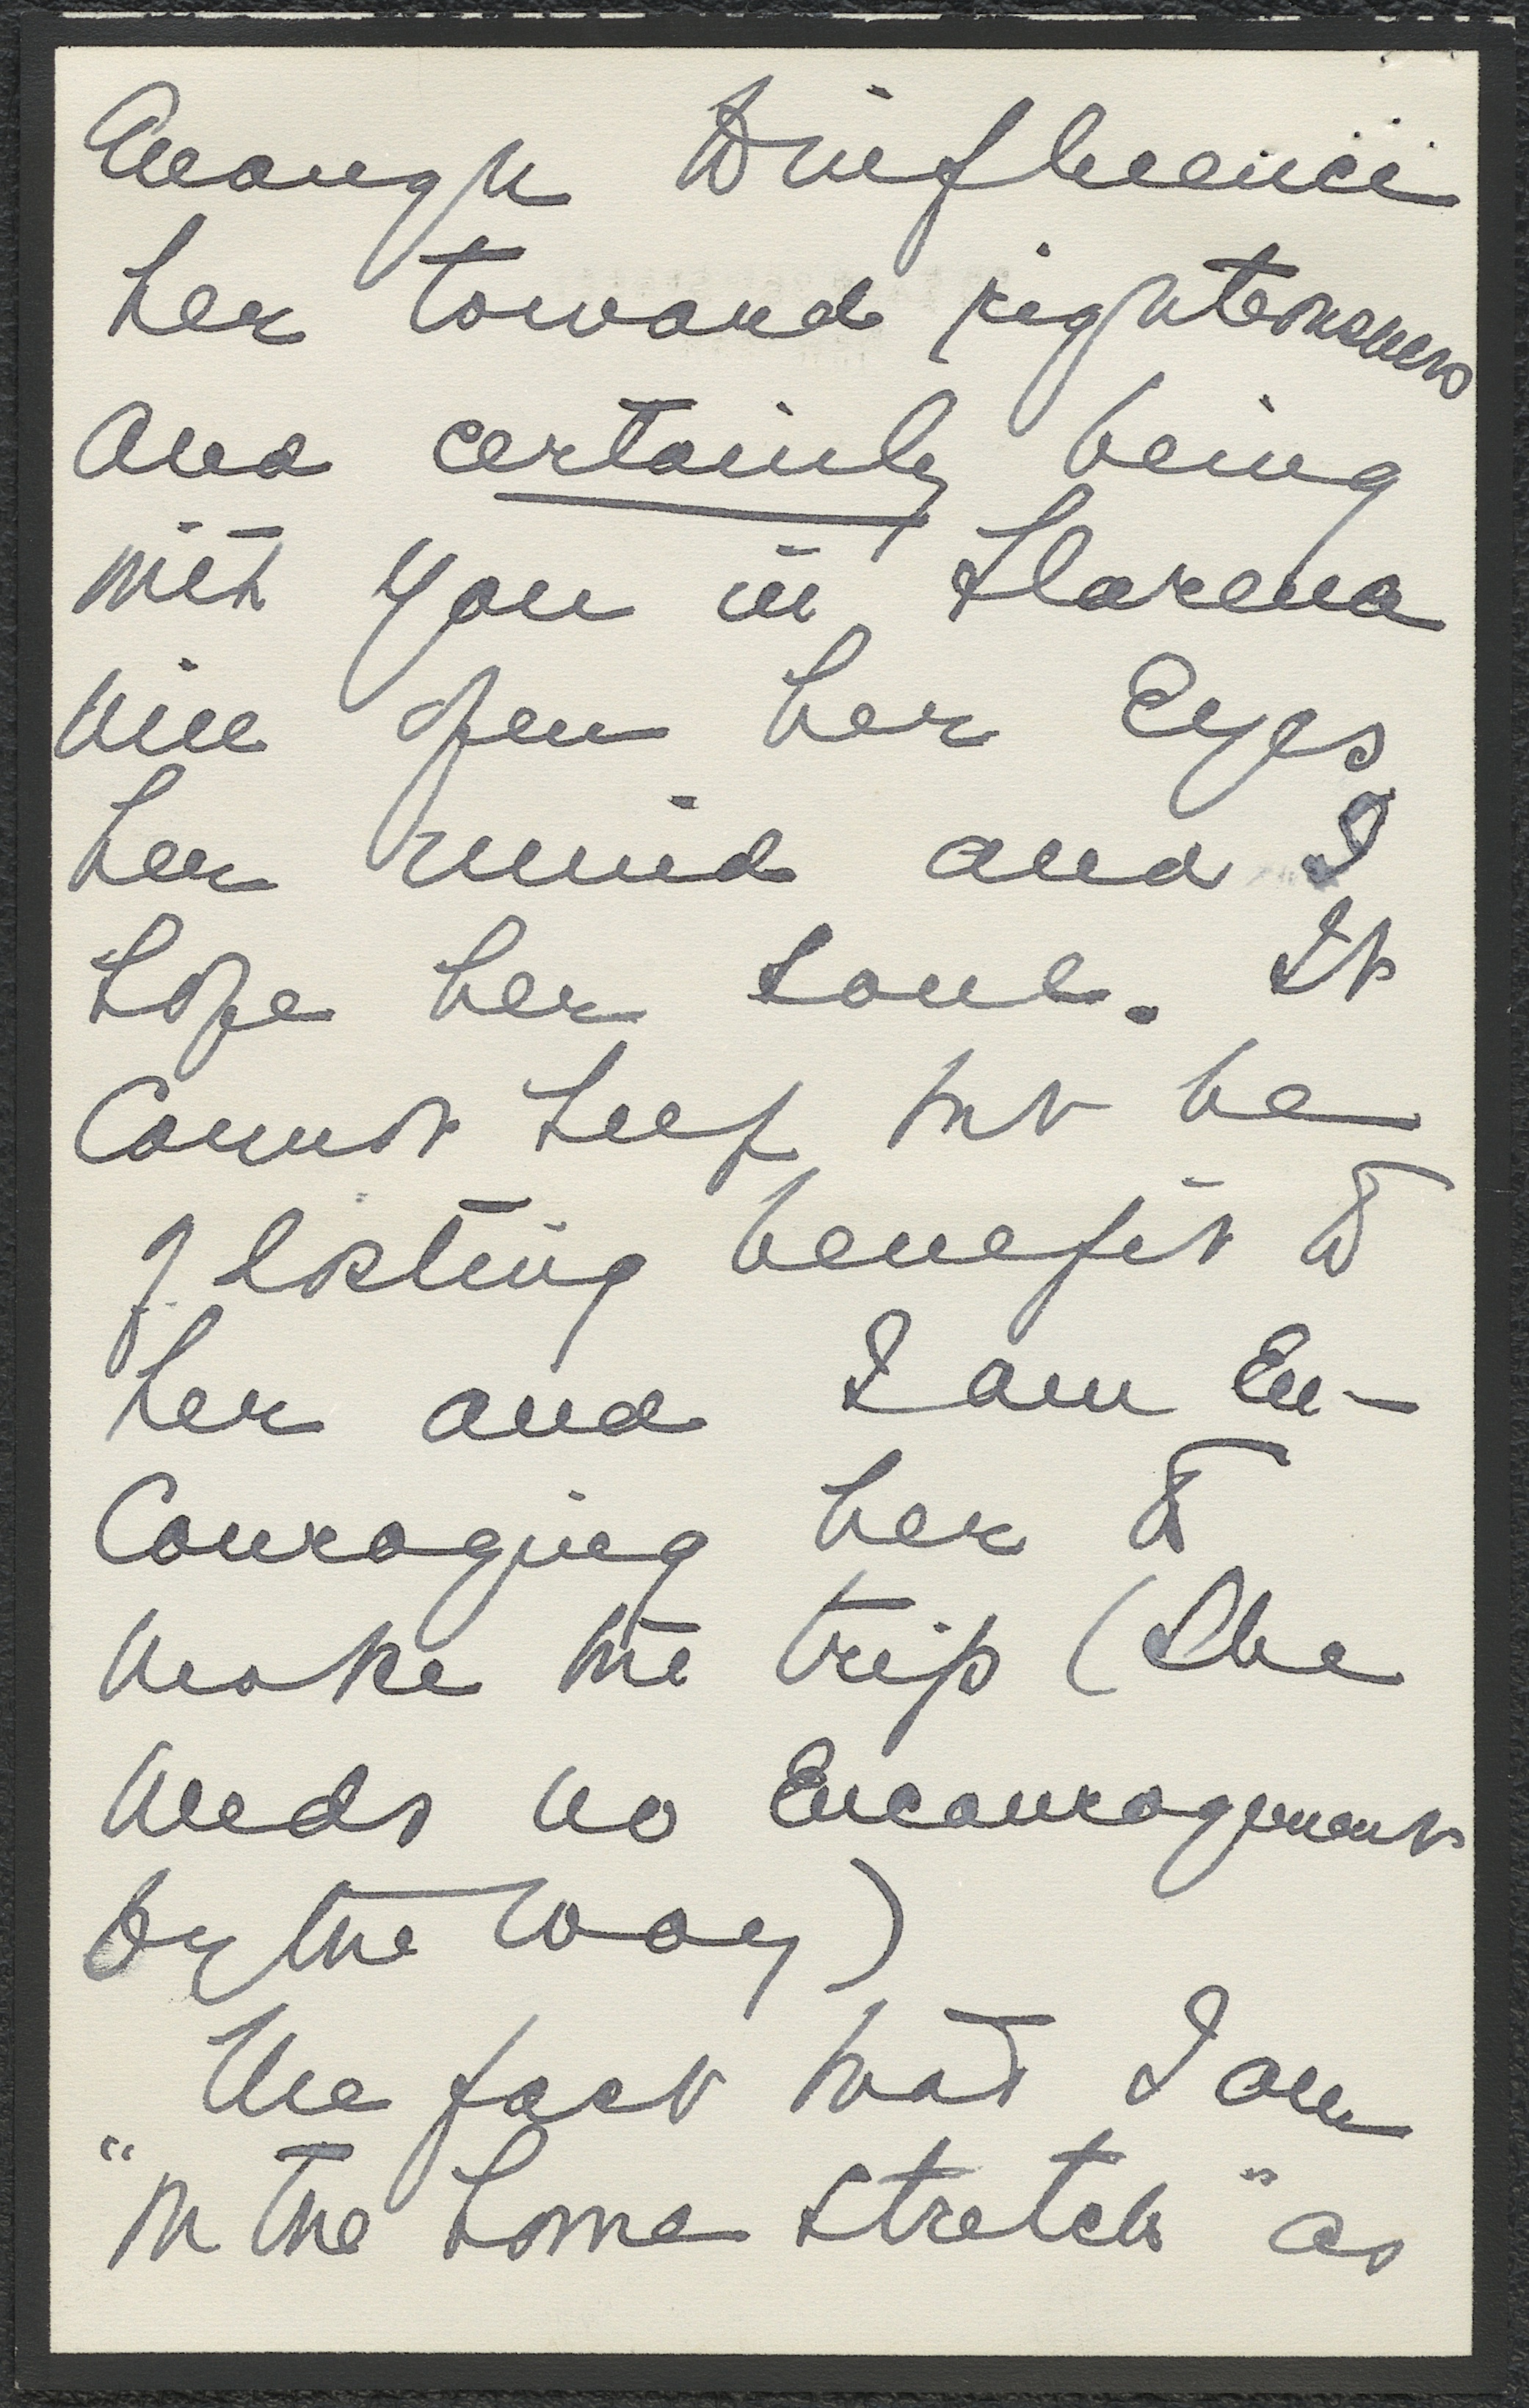enough to influence her toward righteousness and certainly being with you in Florence will open her eyes her mind and I hope her soul. It cannot help but be of lasting benefit to her and I am encouraging her to make the trip (She needs no encouragement by the way)
The fact that I am “in the home stretch” as